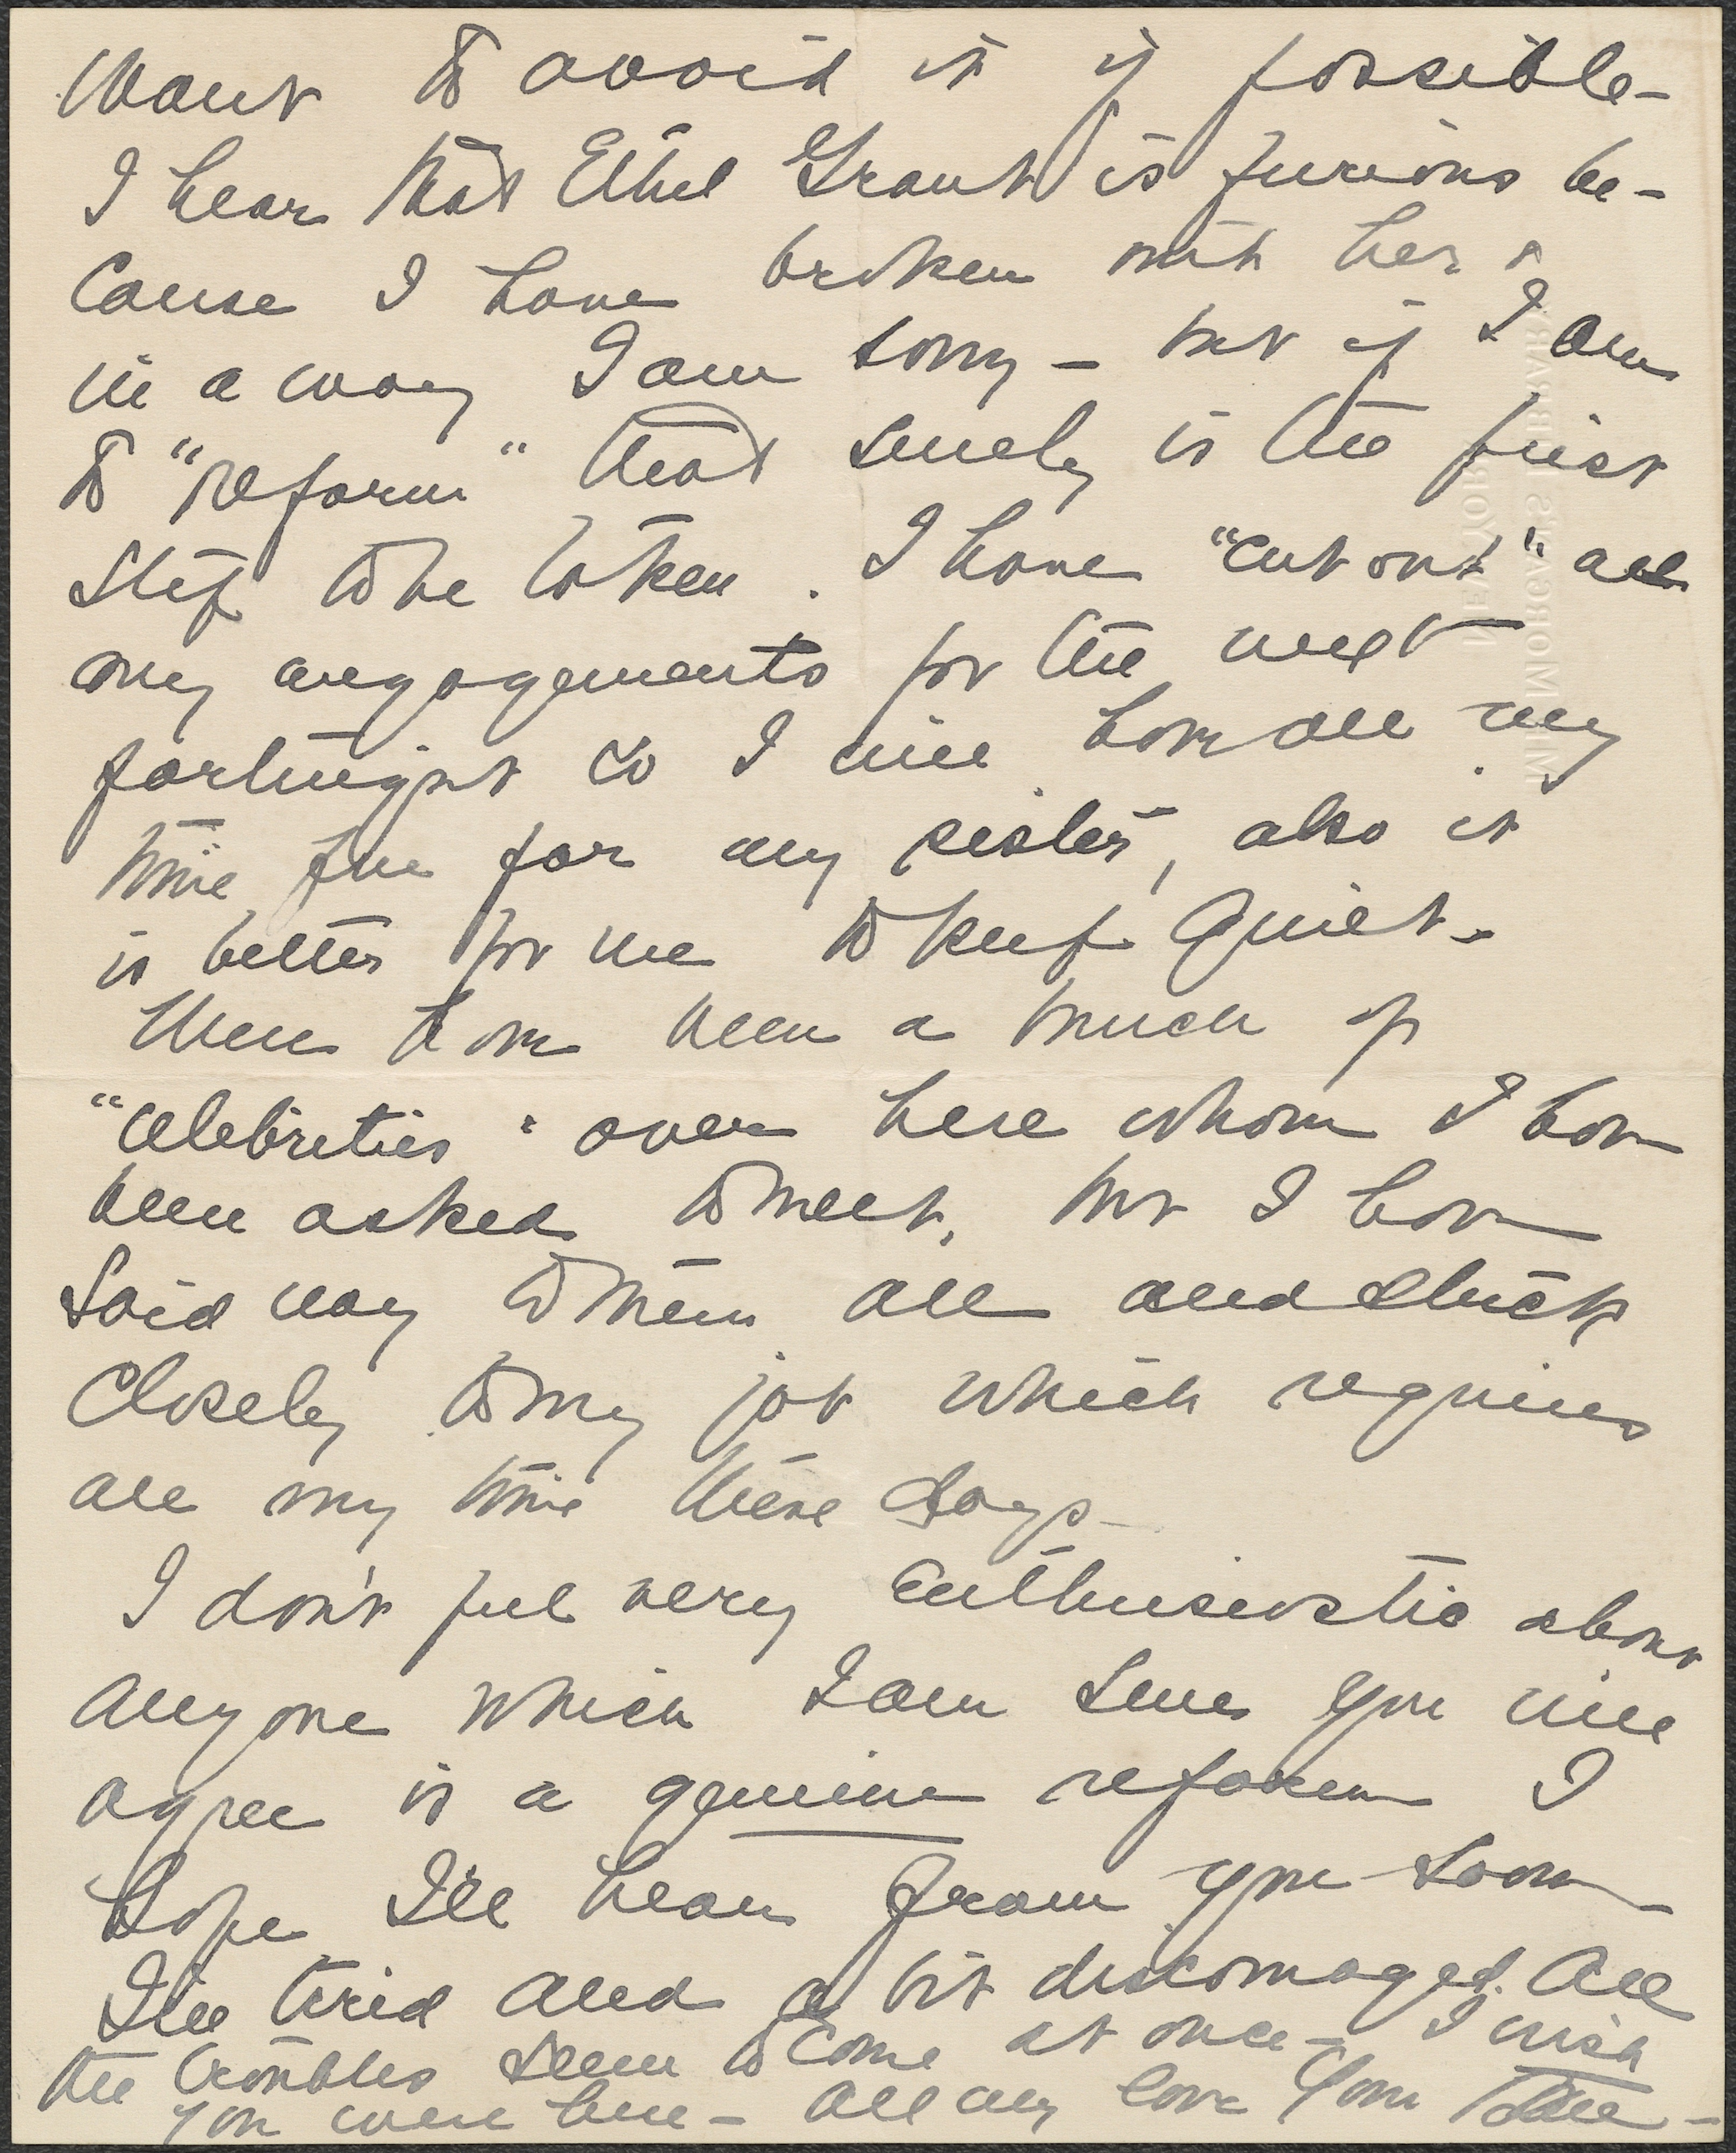want to avoid it if possible – I hear that Ethel Grant is furious because I have broken with her & in a way I am sorry – but if I am to “reform” that surely is the first step to be taken. I have “cut out” all my engagements for the next fortnight so I will have all my time free for my sister, also it is better for me to keep quiet –
There have been a bunch of “celebrities” over here whom I have been asked to meet, but I have said nay to them all and stuck closely to my job which requires all my time these days –
I don’t feel very enthusiastic about anyone which I am sure you will agree is a genuine reform I hope I’ll hear from you soon
I’m tired and a bit discouraged. All the troubles seem to come at once. I wish you were here – all my love Your Belle –